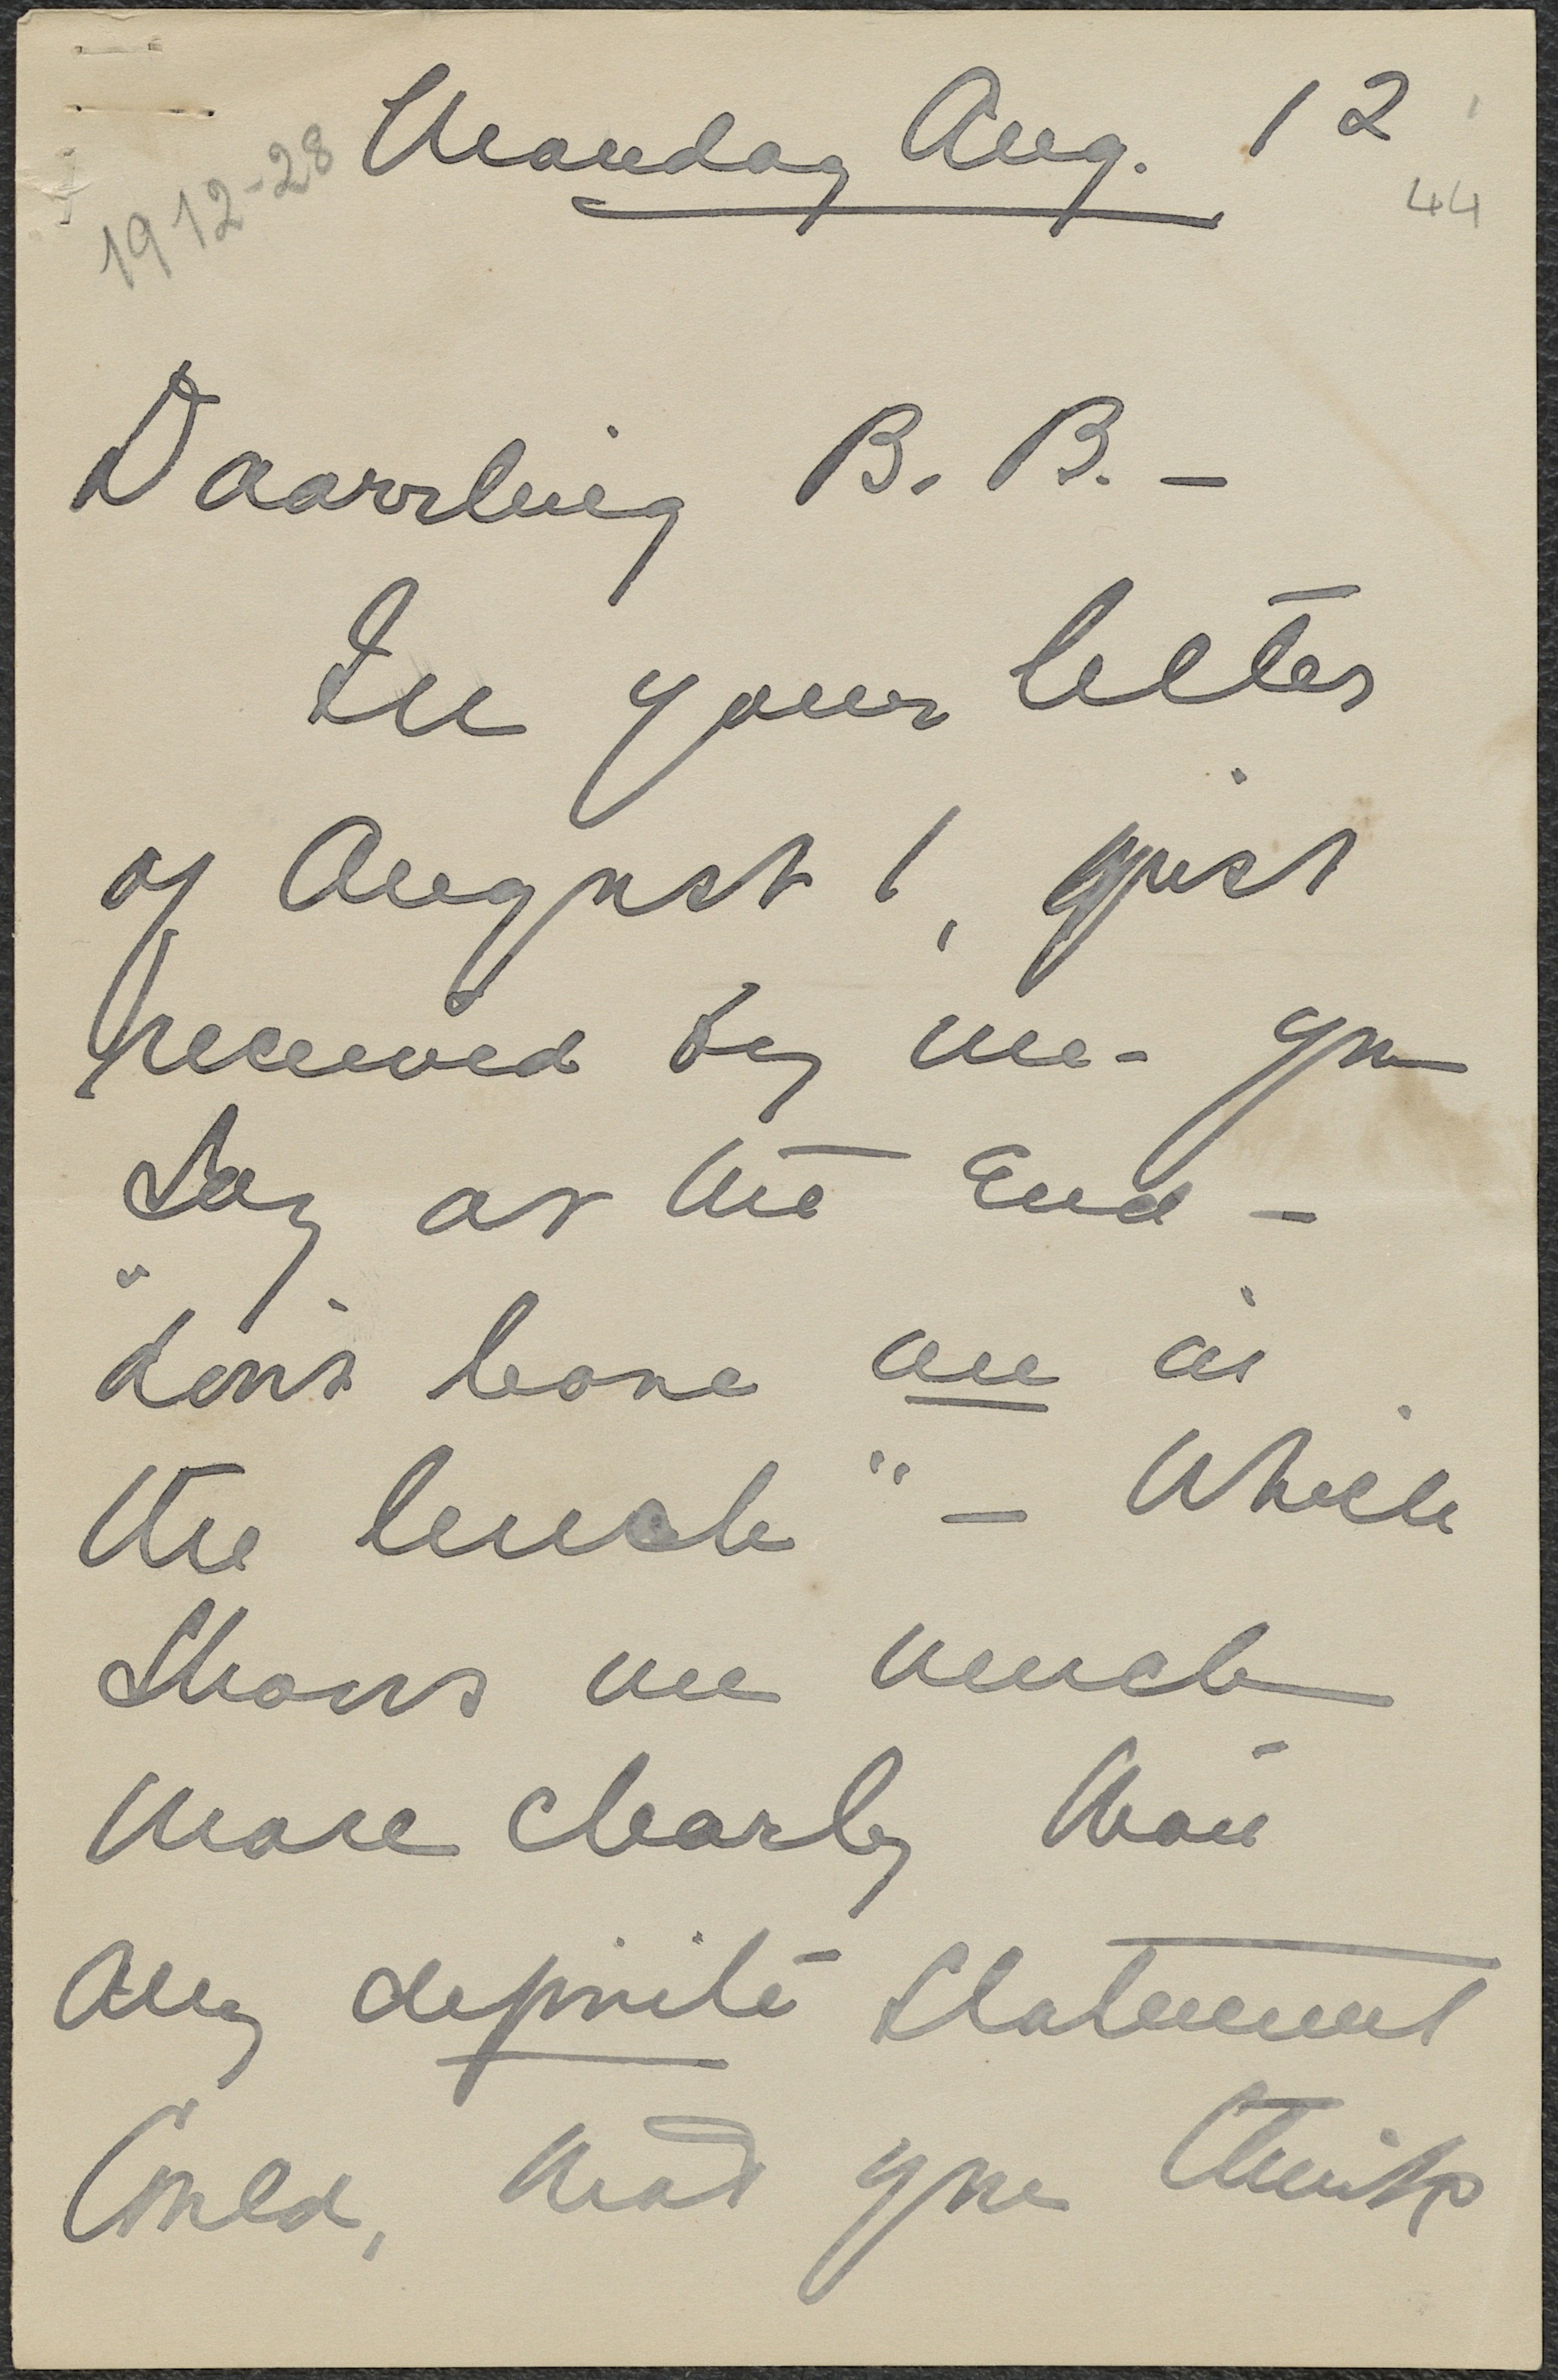Monday, August 12
Daarrling B. B. –
In your letter of August 1, just received by me – you say at the end – “don’t leave me in the lurch” – which shows me much more clearly than any definite statement could, that you think